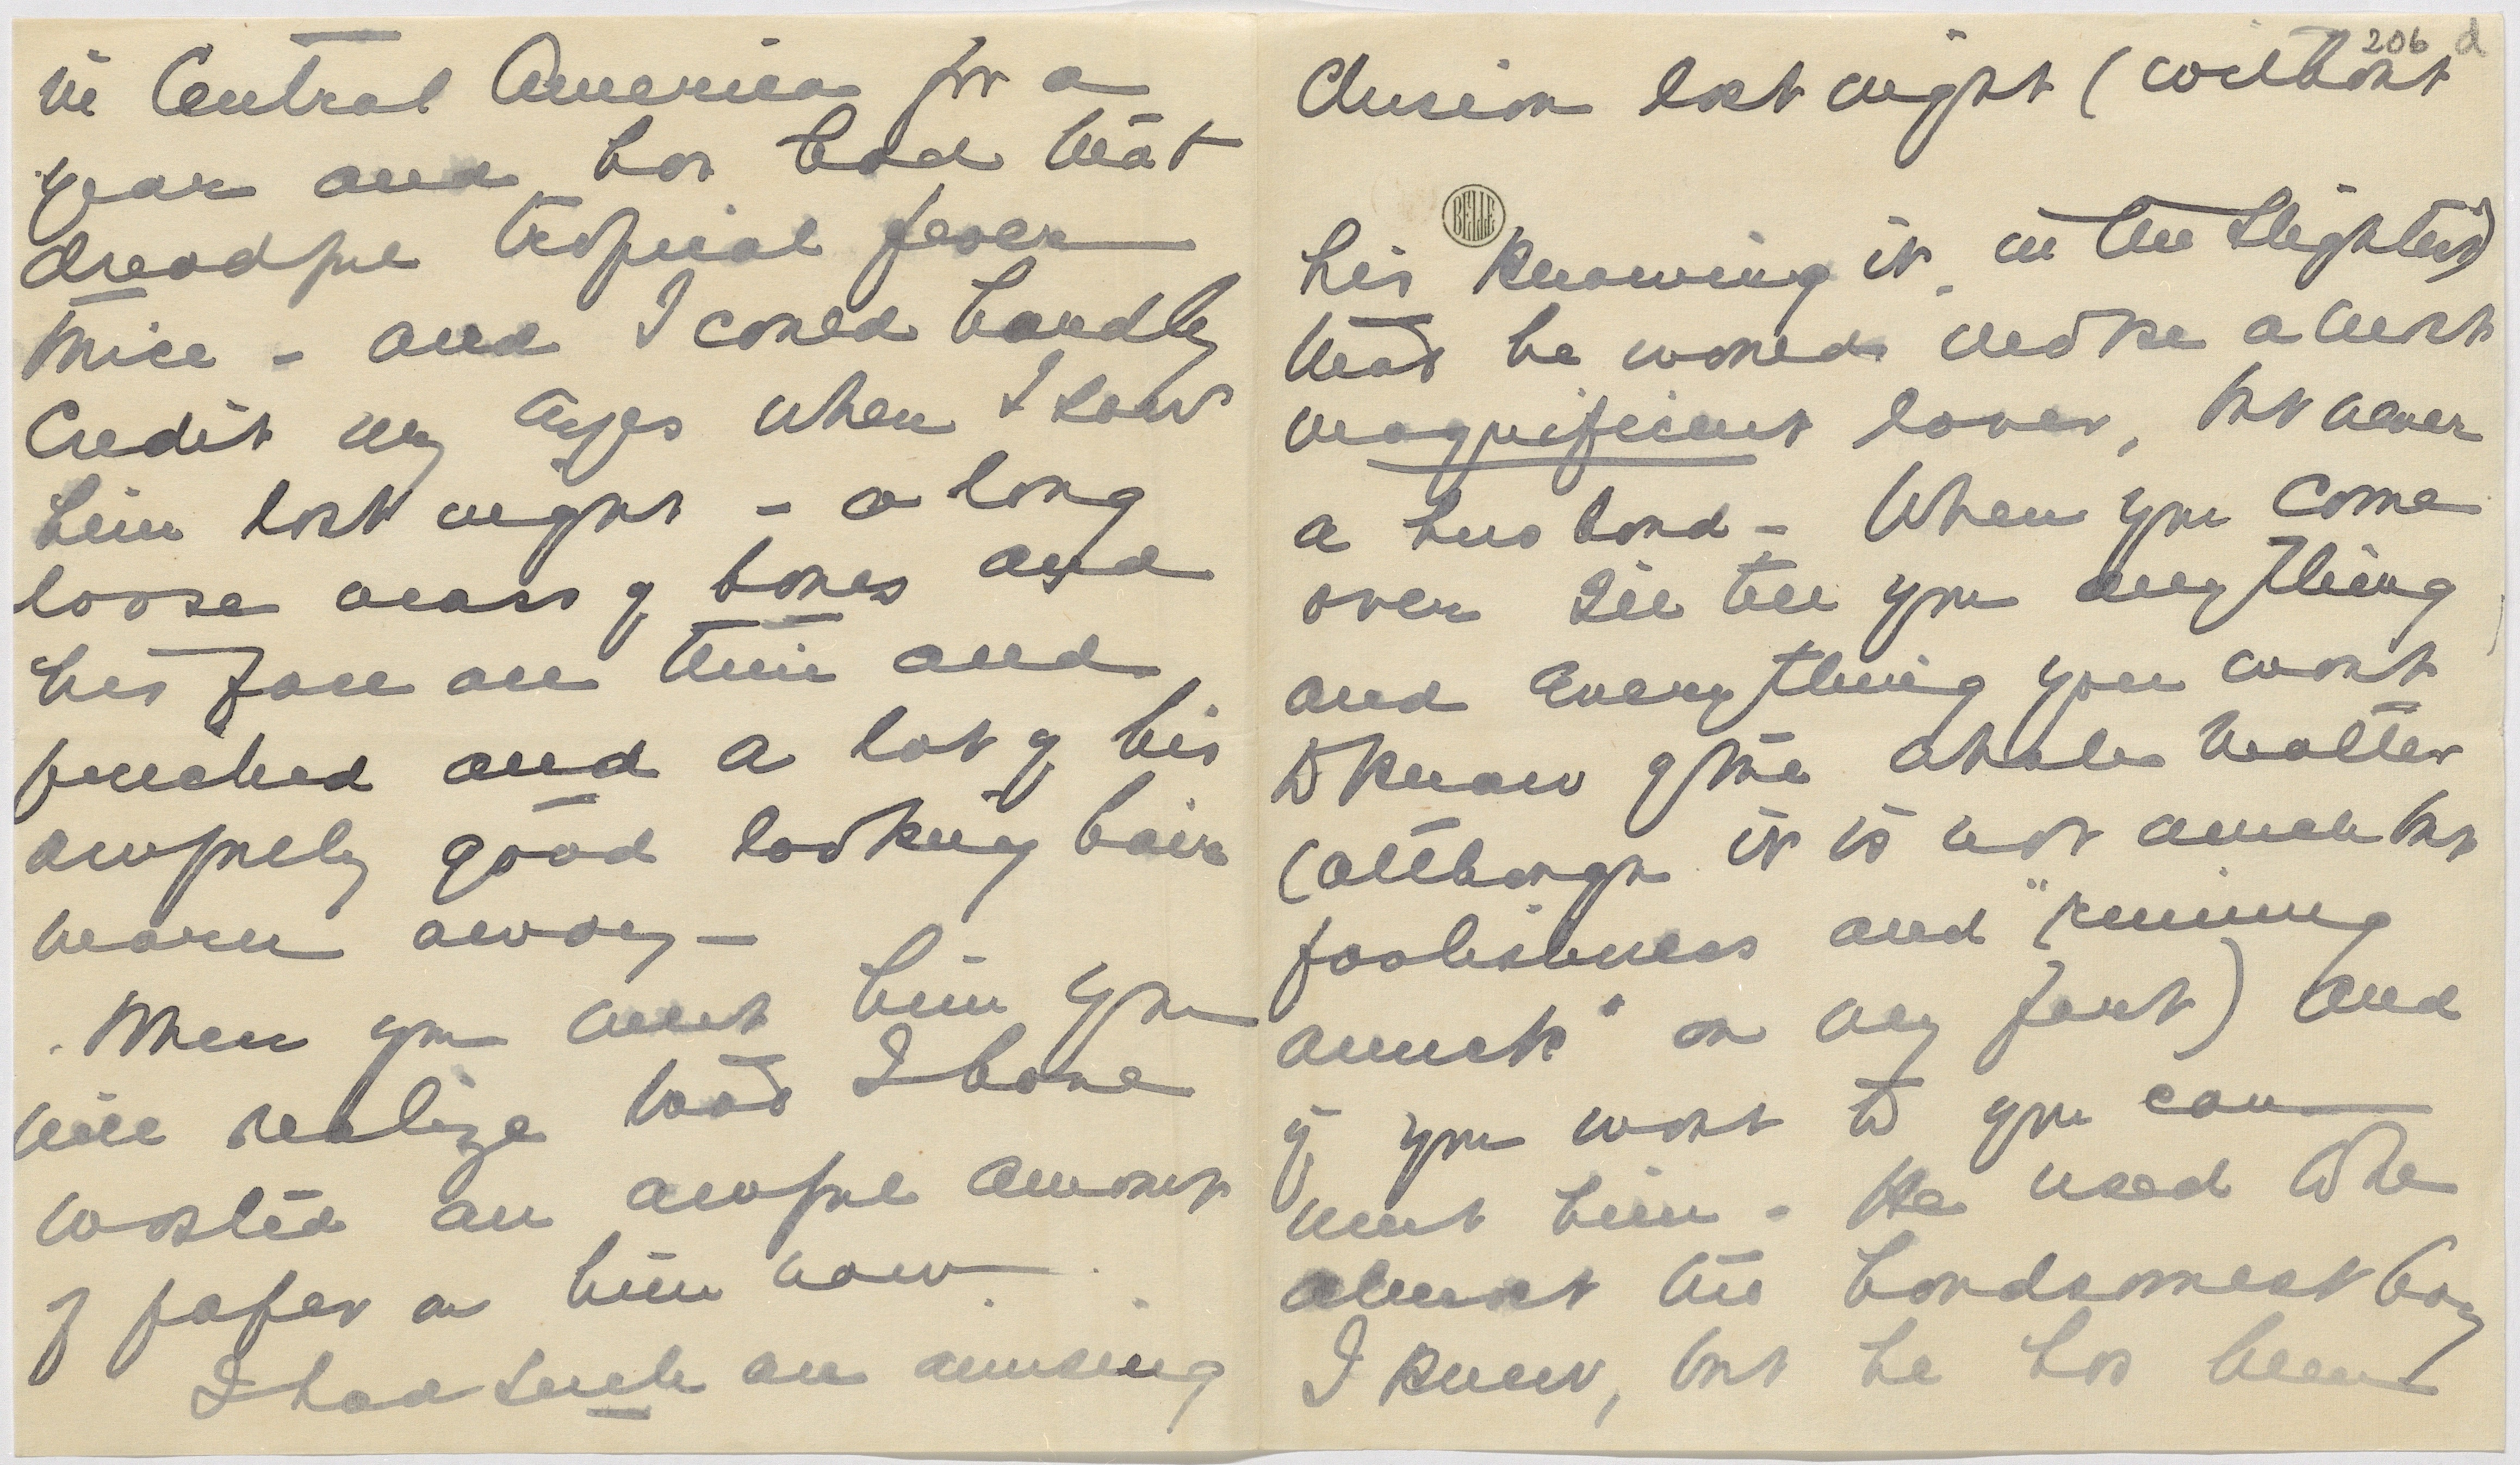last night (without his knowing it, in the slightest) that he would make a most magnificent lover, but never a husband – When you come over I’ll tell you anything and everything you want to know of the whole matter (although it is not much but foolishness and “running amuck” on my part) and if you want to you can meet him – He used to be almost the handsomest boy I knew, but he has been
in Central America for a year and has had that dreadful tropical fever twice – and I could hardly credit my eyes when I saw him last night – a long loose mess of bones and his face all thin and pinched and a lot of his awfully good looking hair worn away –
When you meet him you will realize that I have wasted an awful amount of paper on him now –
I had such an amusing